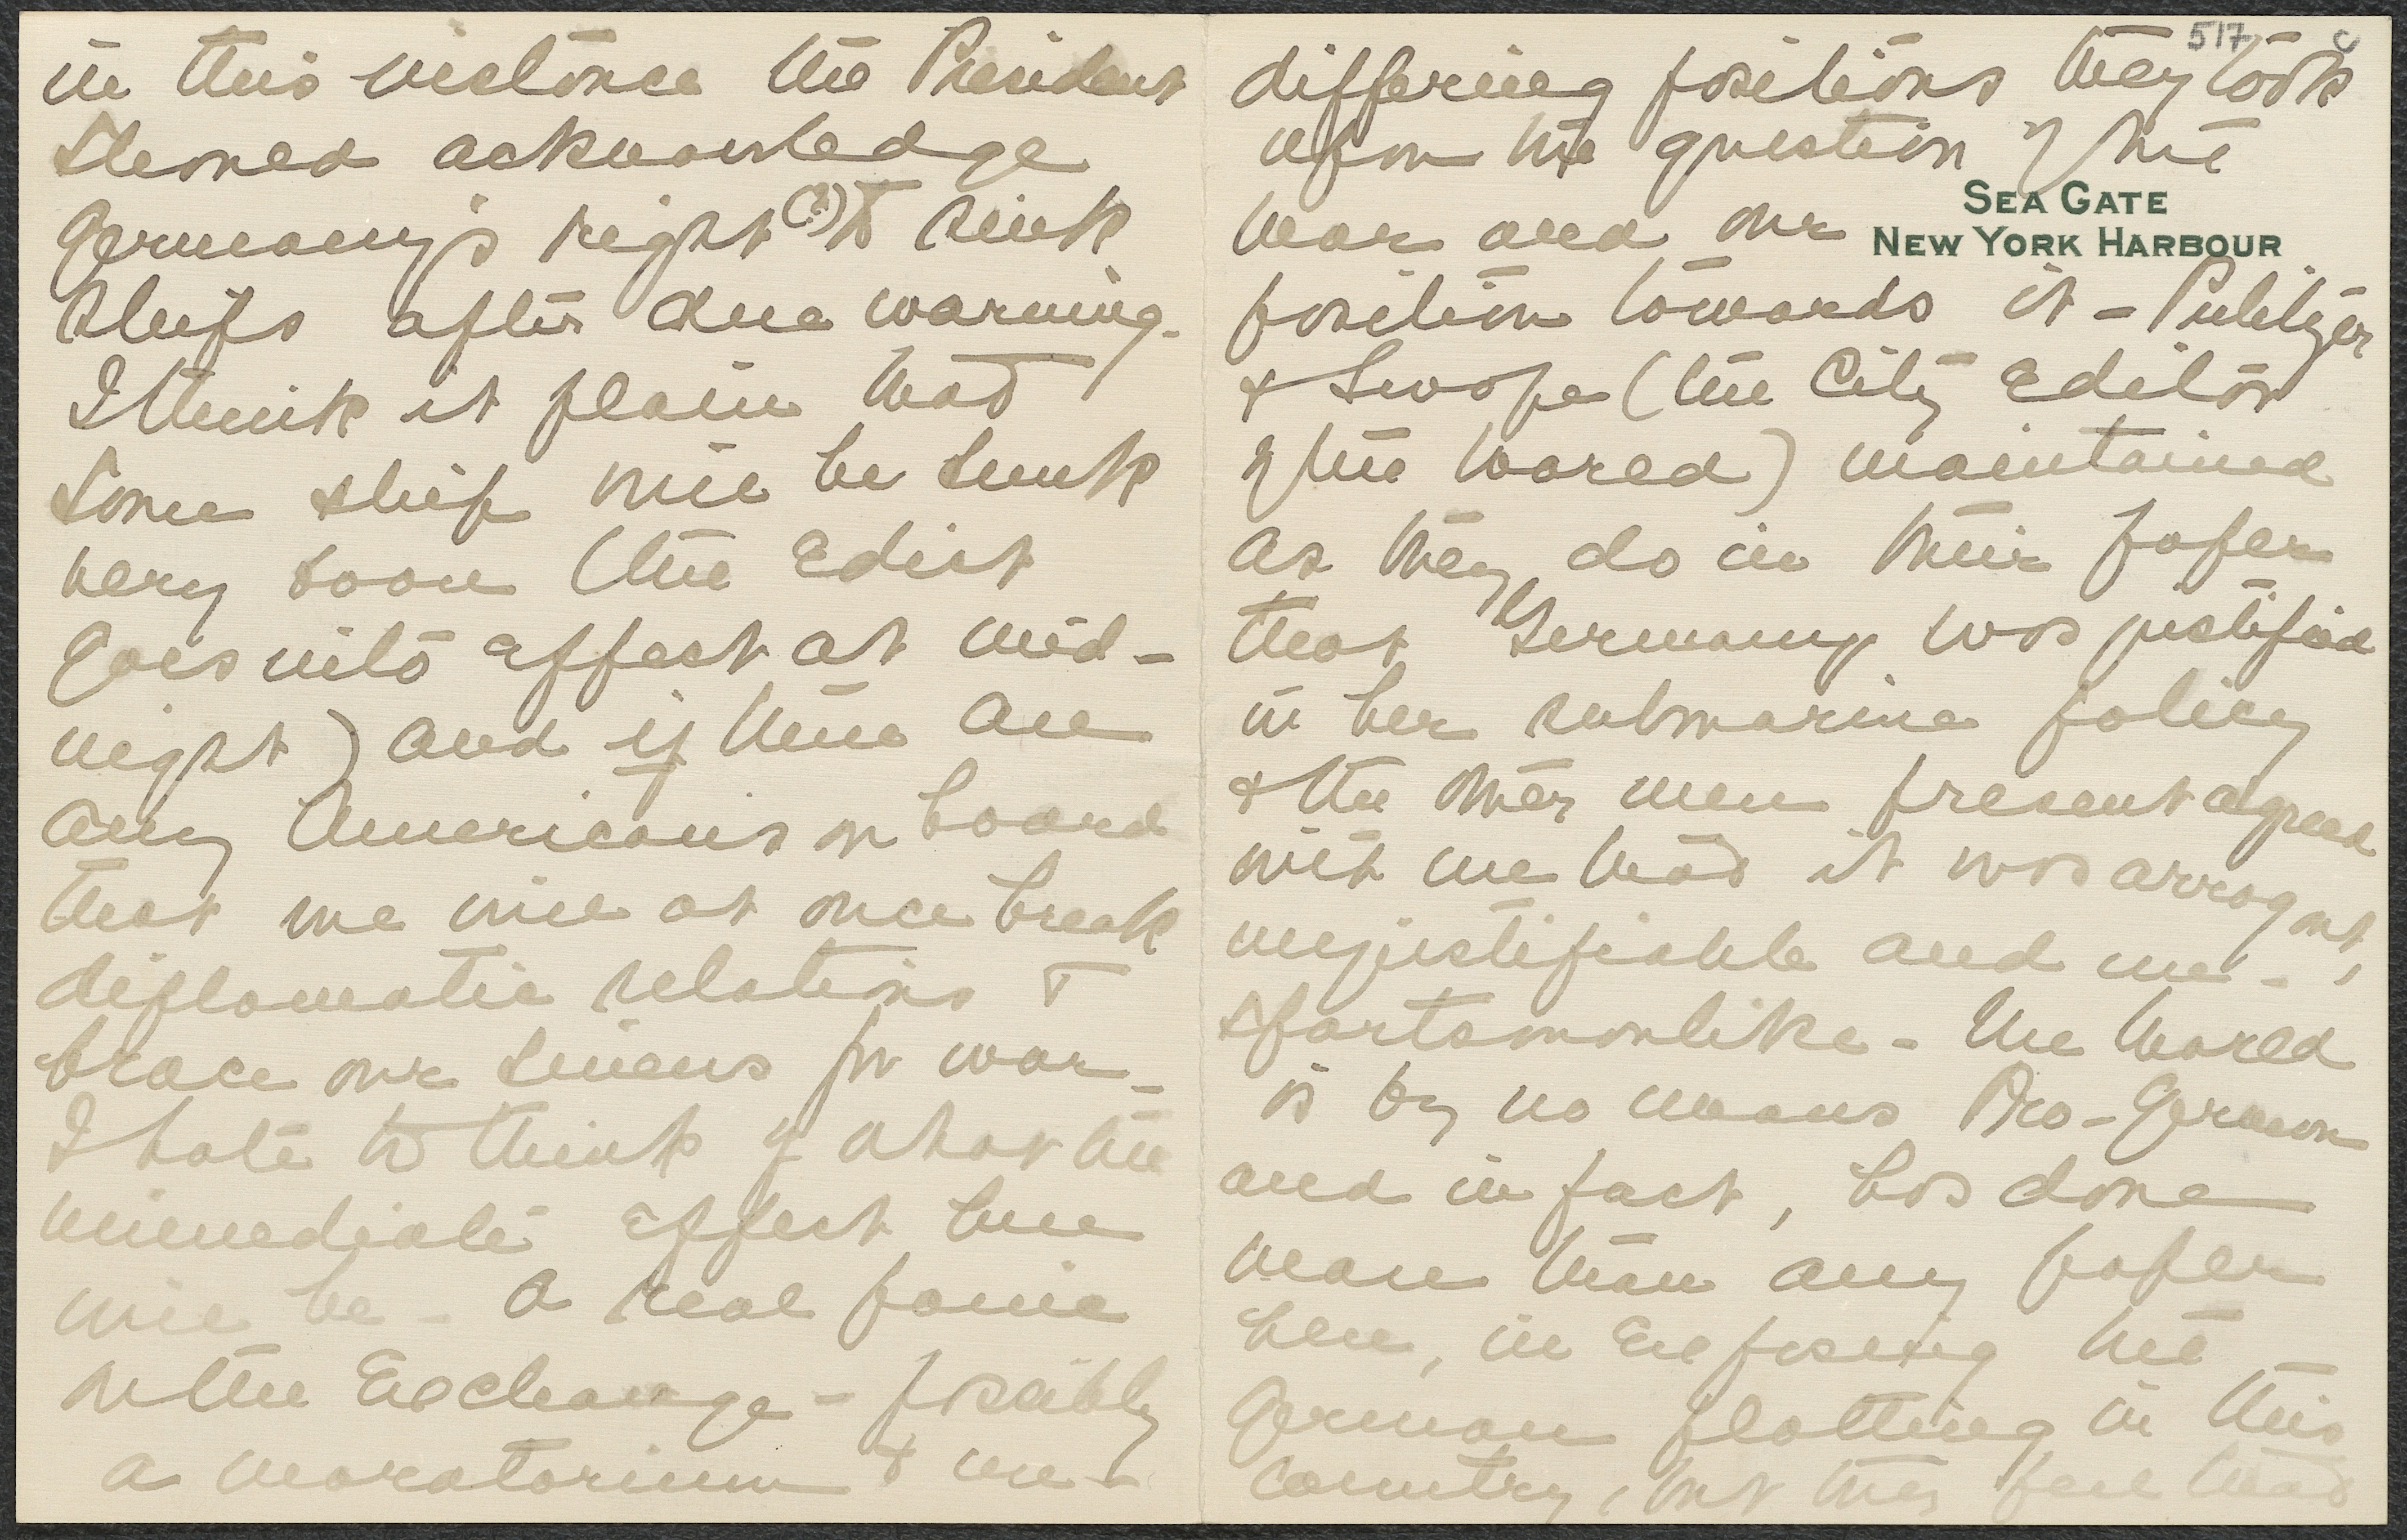differing positions they took upon the question of the war and our position towards it – Pulitzer & Swope (the City editor of the World) maintained as they do in their paper that Germany was justified in her submarine policy & the other men present agreed with me that it was arrogant, unjustifiable and unsportsmanlike – The World is by no means Pro-German and in fact, has done more than any paper here, in exposing the German plotting in this country, but they feel that
in this instance the President should acknowledge Germany's "right" to sink ships after due warning. I think it plain that some ship will be sunk very soon (the edict goes into effect at midnight) and if there are any Americans on board that we will at once break diplomatic relations & brace our linens for war – I hate to think of what the immediate effect here will be – a real panic at the exchange – possibly a moratorium &